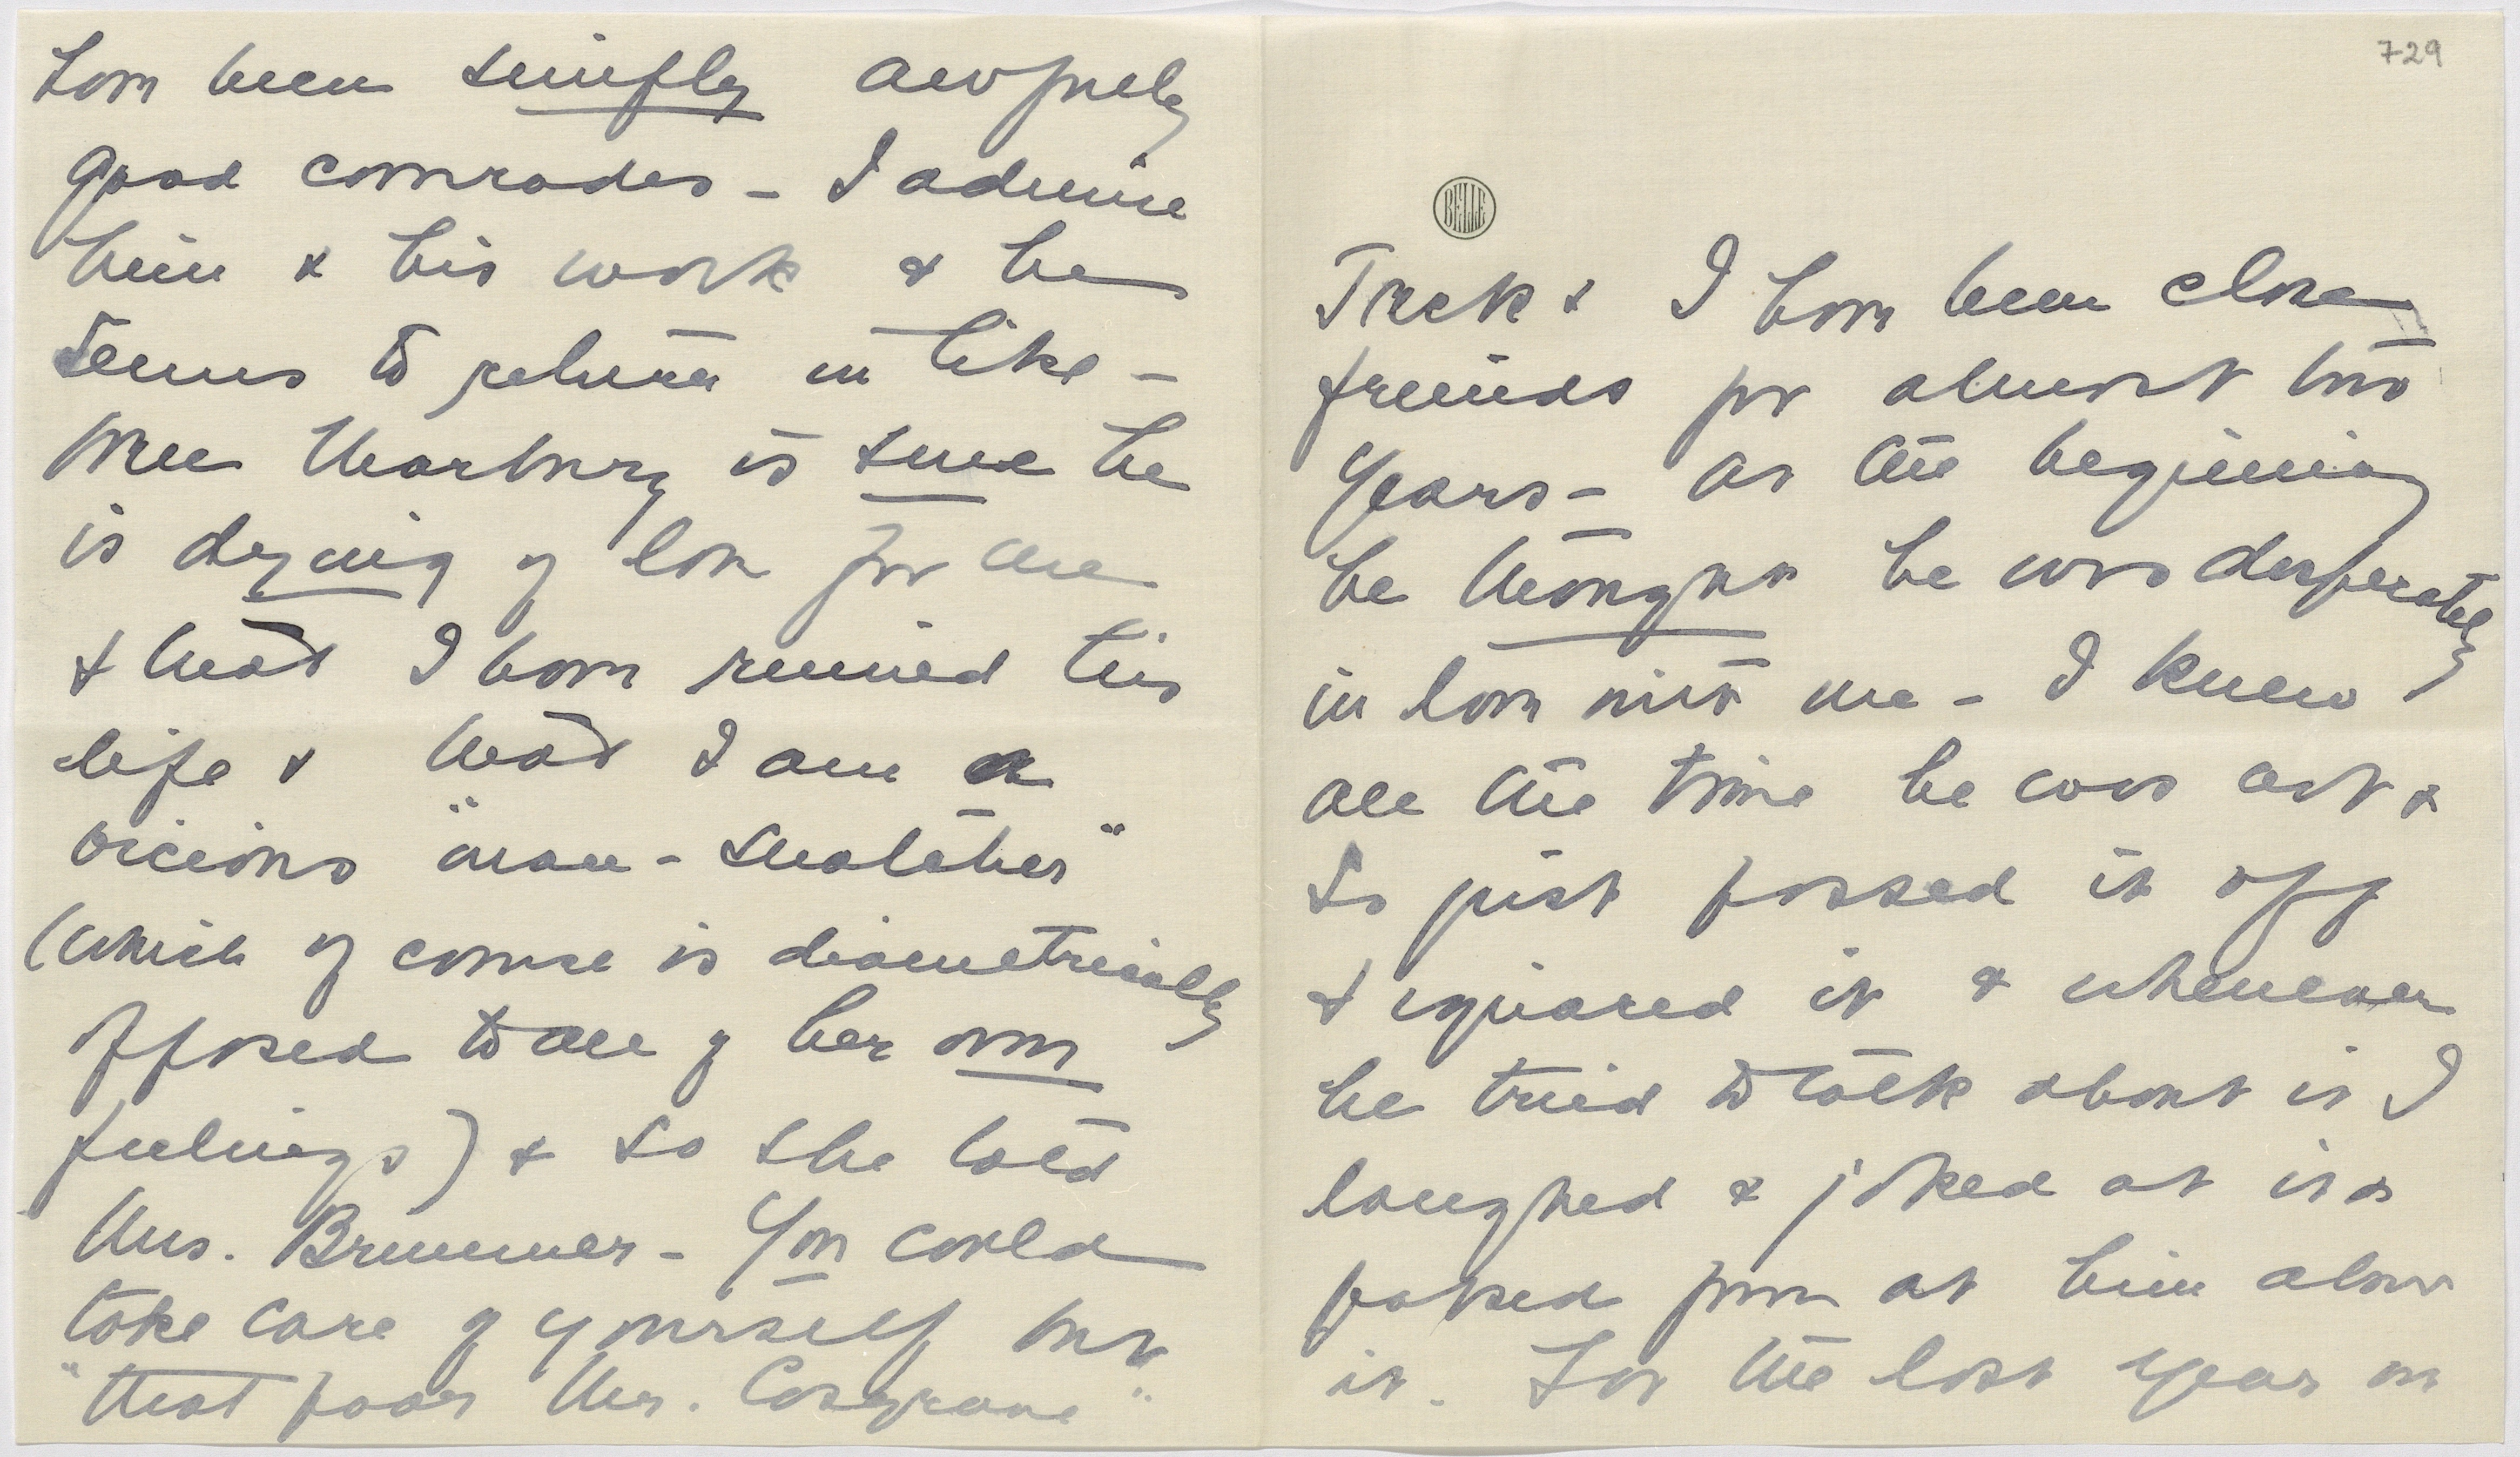Jack & I have been close friends for almost two years – at the beginning he thought he was desperately in love with me – I knew all the time he was not & so just passed it off & ignored it & whenever he tried to talk about it I laughed & joked at it & poked fun at him about it. For the last year we
have been simply awfully good comrades – I admire him & his work & he seems to return in like – Miss Marbury is sure he is dying of love for me & that I have revved his life & that I am a vicious “man-snatcher” (which of course is diametrically opposed to all of her own feelings) & so she told Mrs. Brunner – You could take care of yourself but “that poor Mr. Cosgrave”